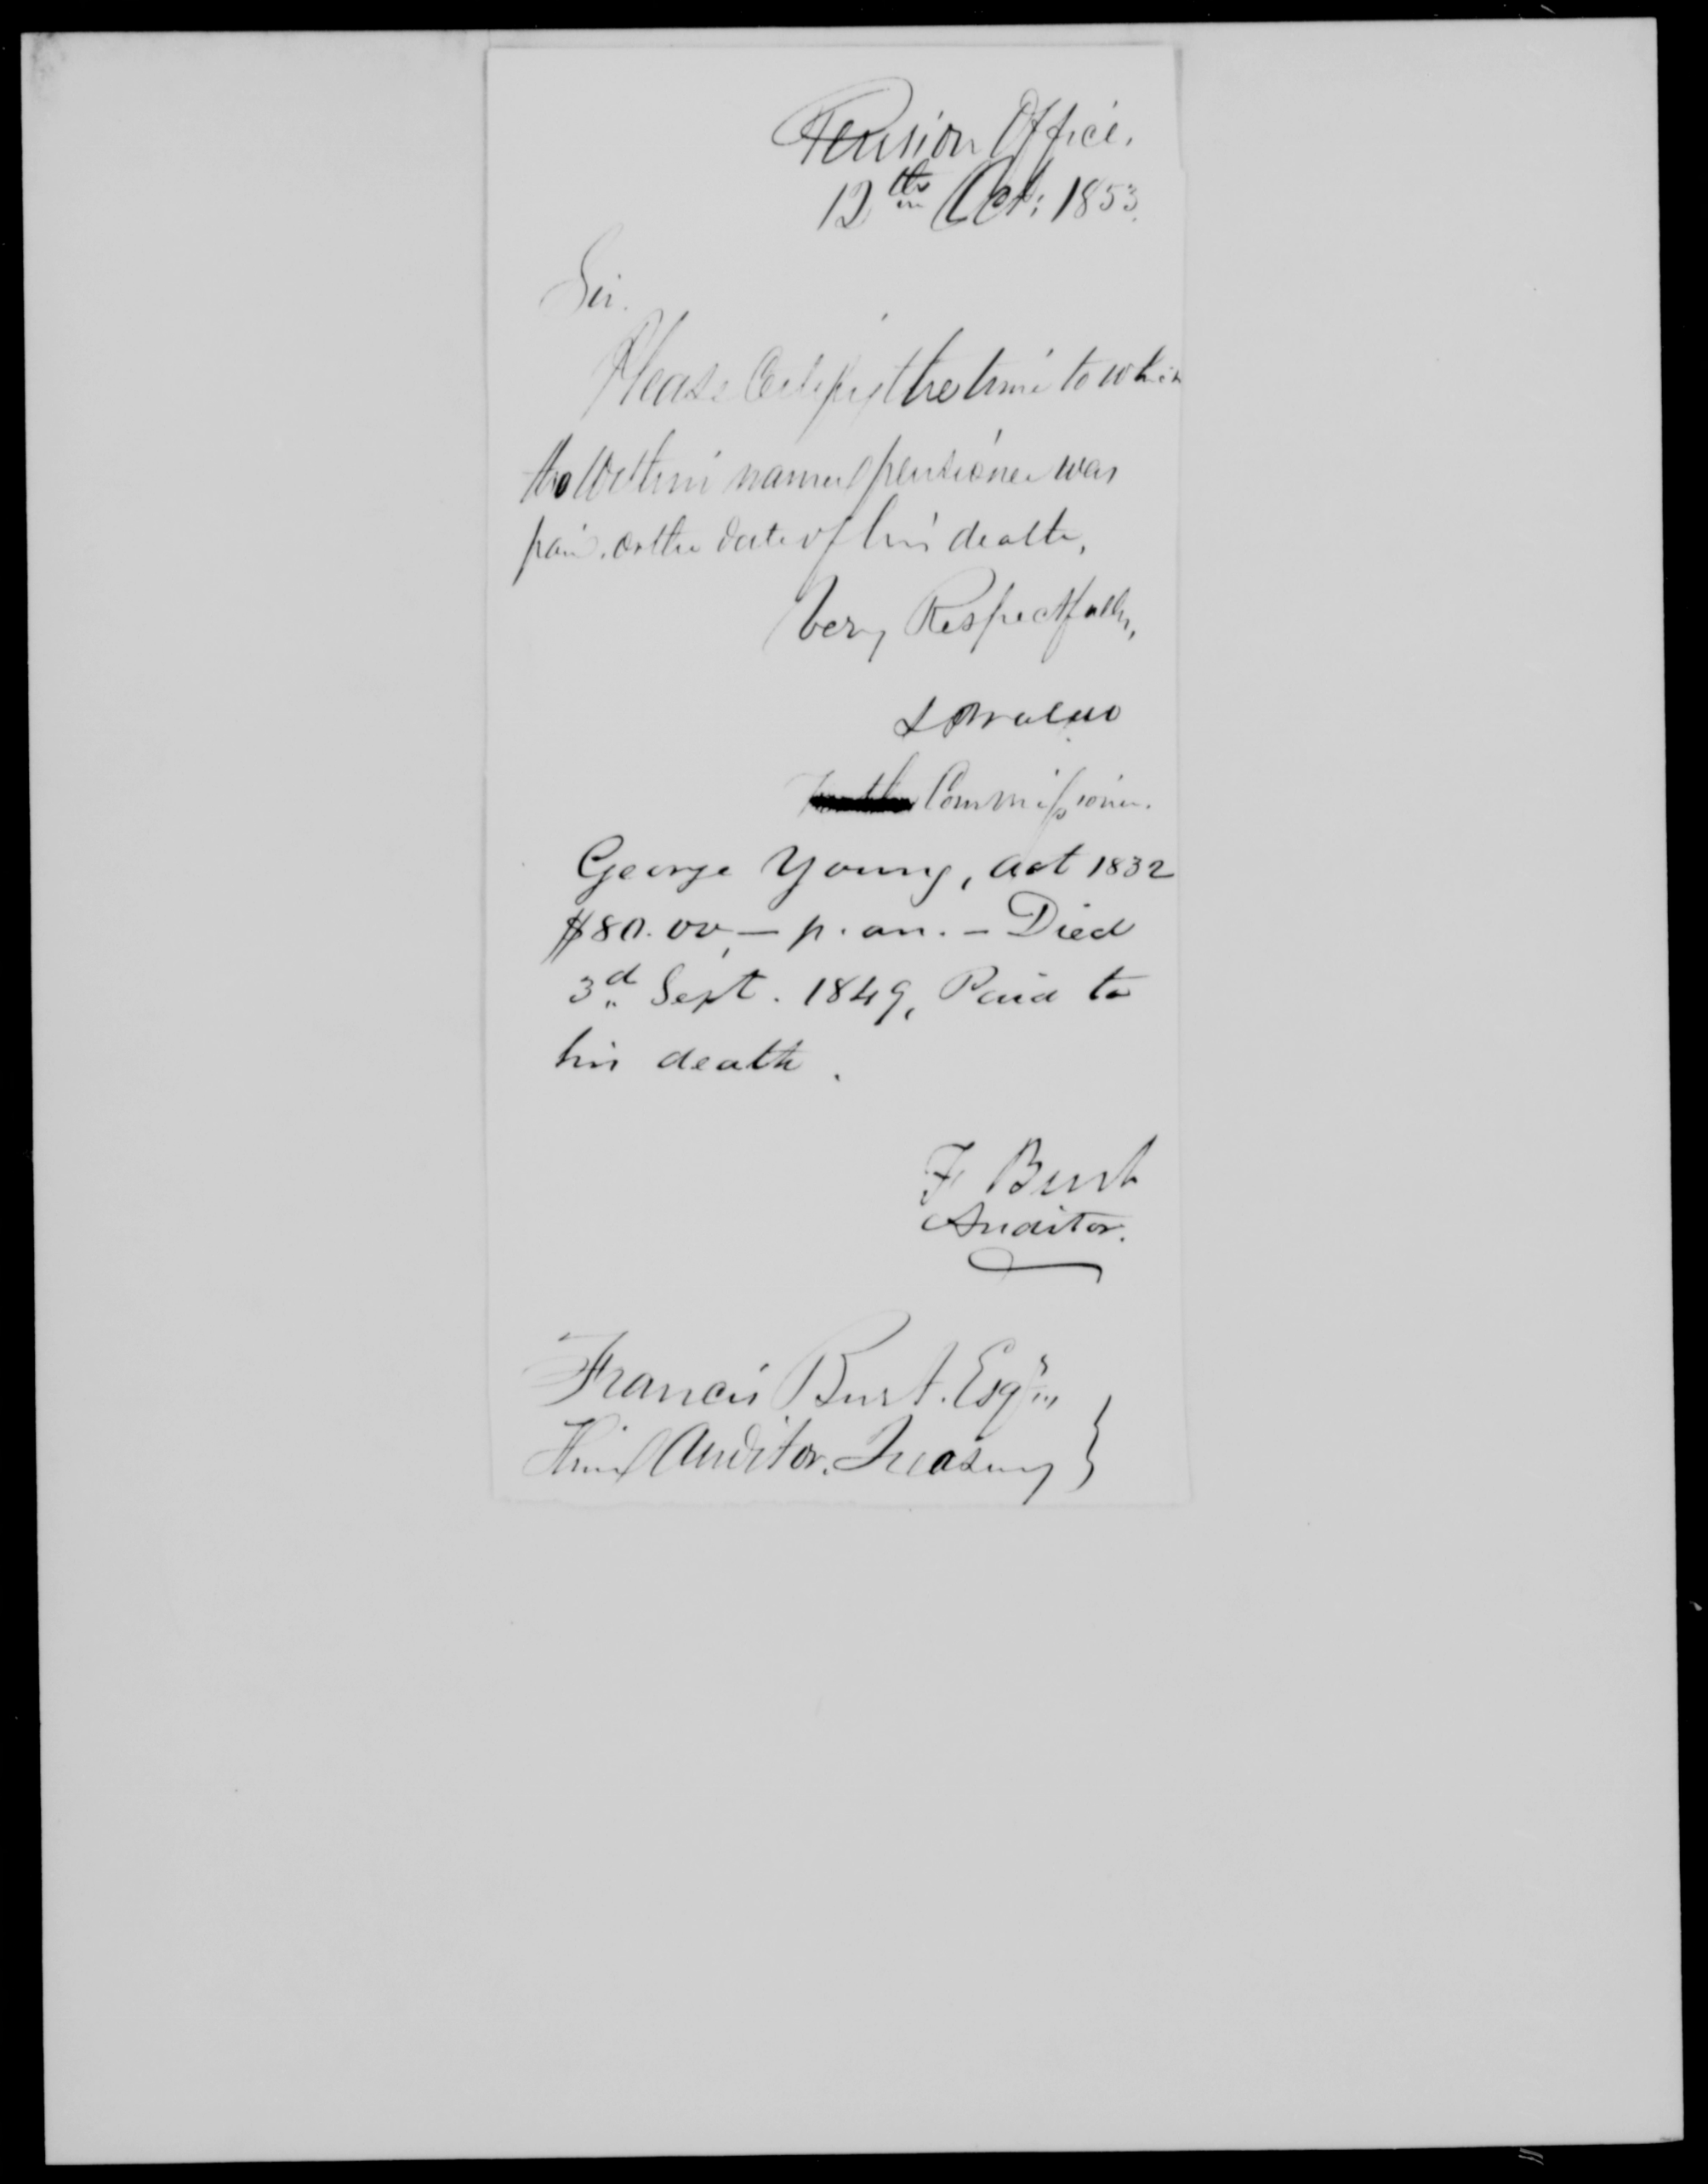Pension Office
12th Oct. 1853
Sir:
Please certify of the time to when
to within named pensioner was
paid or the date of his death
Very Respectfully
Waldo
Commissioner.
George Young, Act 1832
$80.00 - pan.- Died
3d Sept. 1849, Paid to
his death
F Burt
Auditor
Francis Burt Esqr
An Auditor Treasury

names: L P Waldo, George Young, Francis Burt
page: 41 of 67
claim: widow's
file: W. 7379, George Young, New Jersey